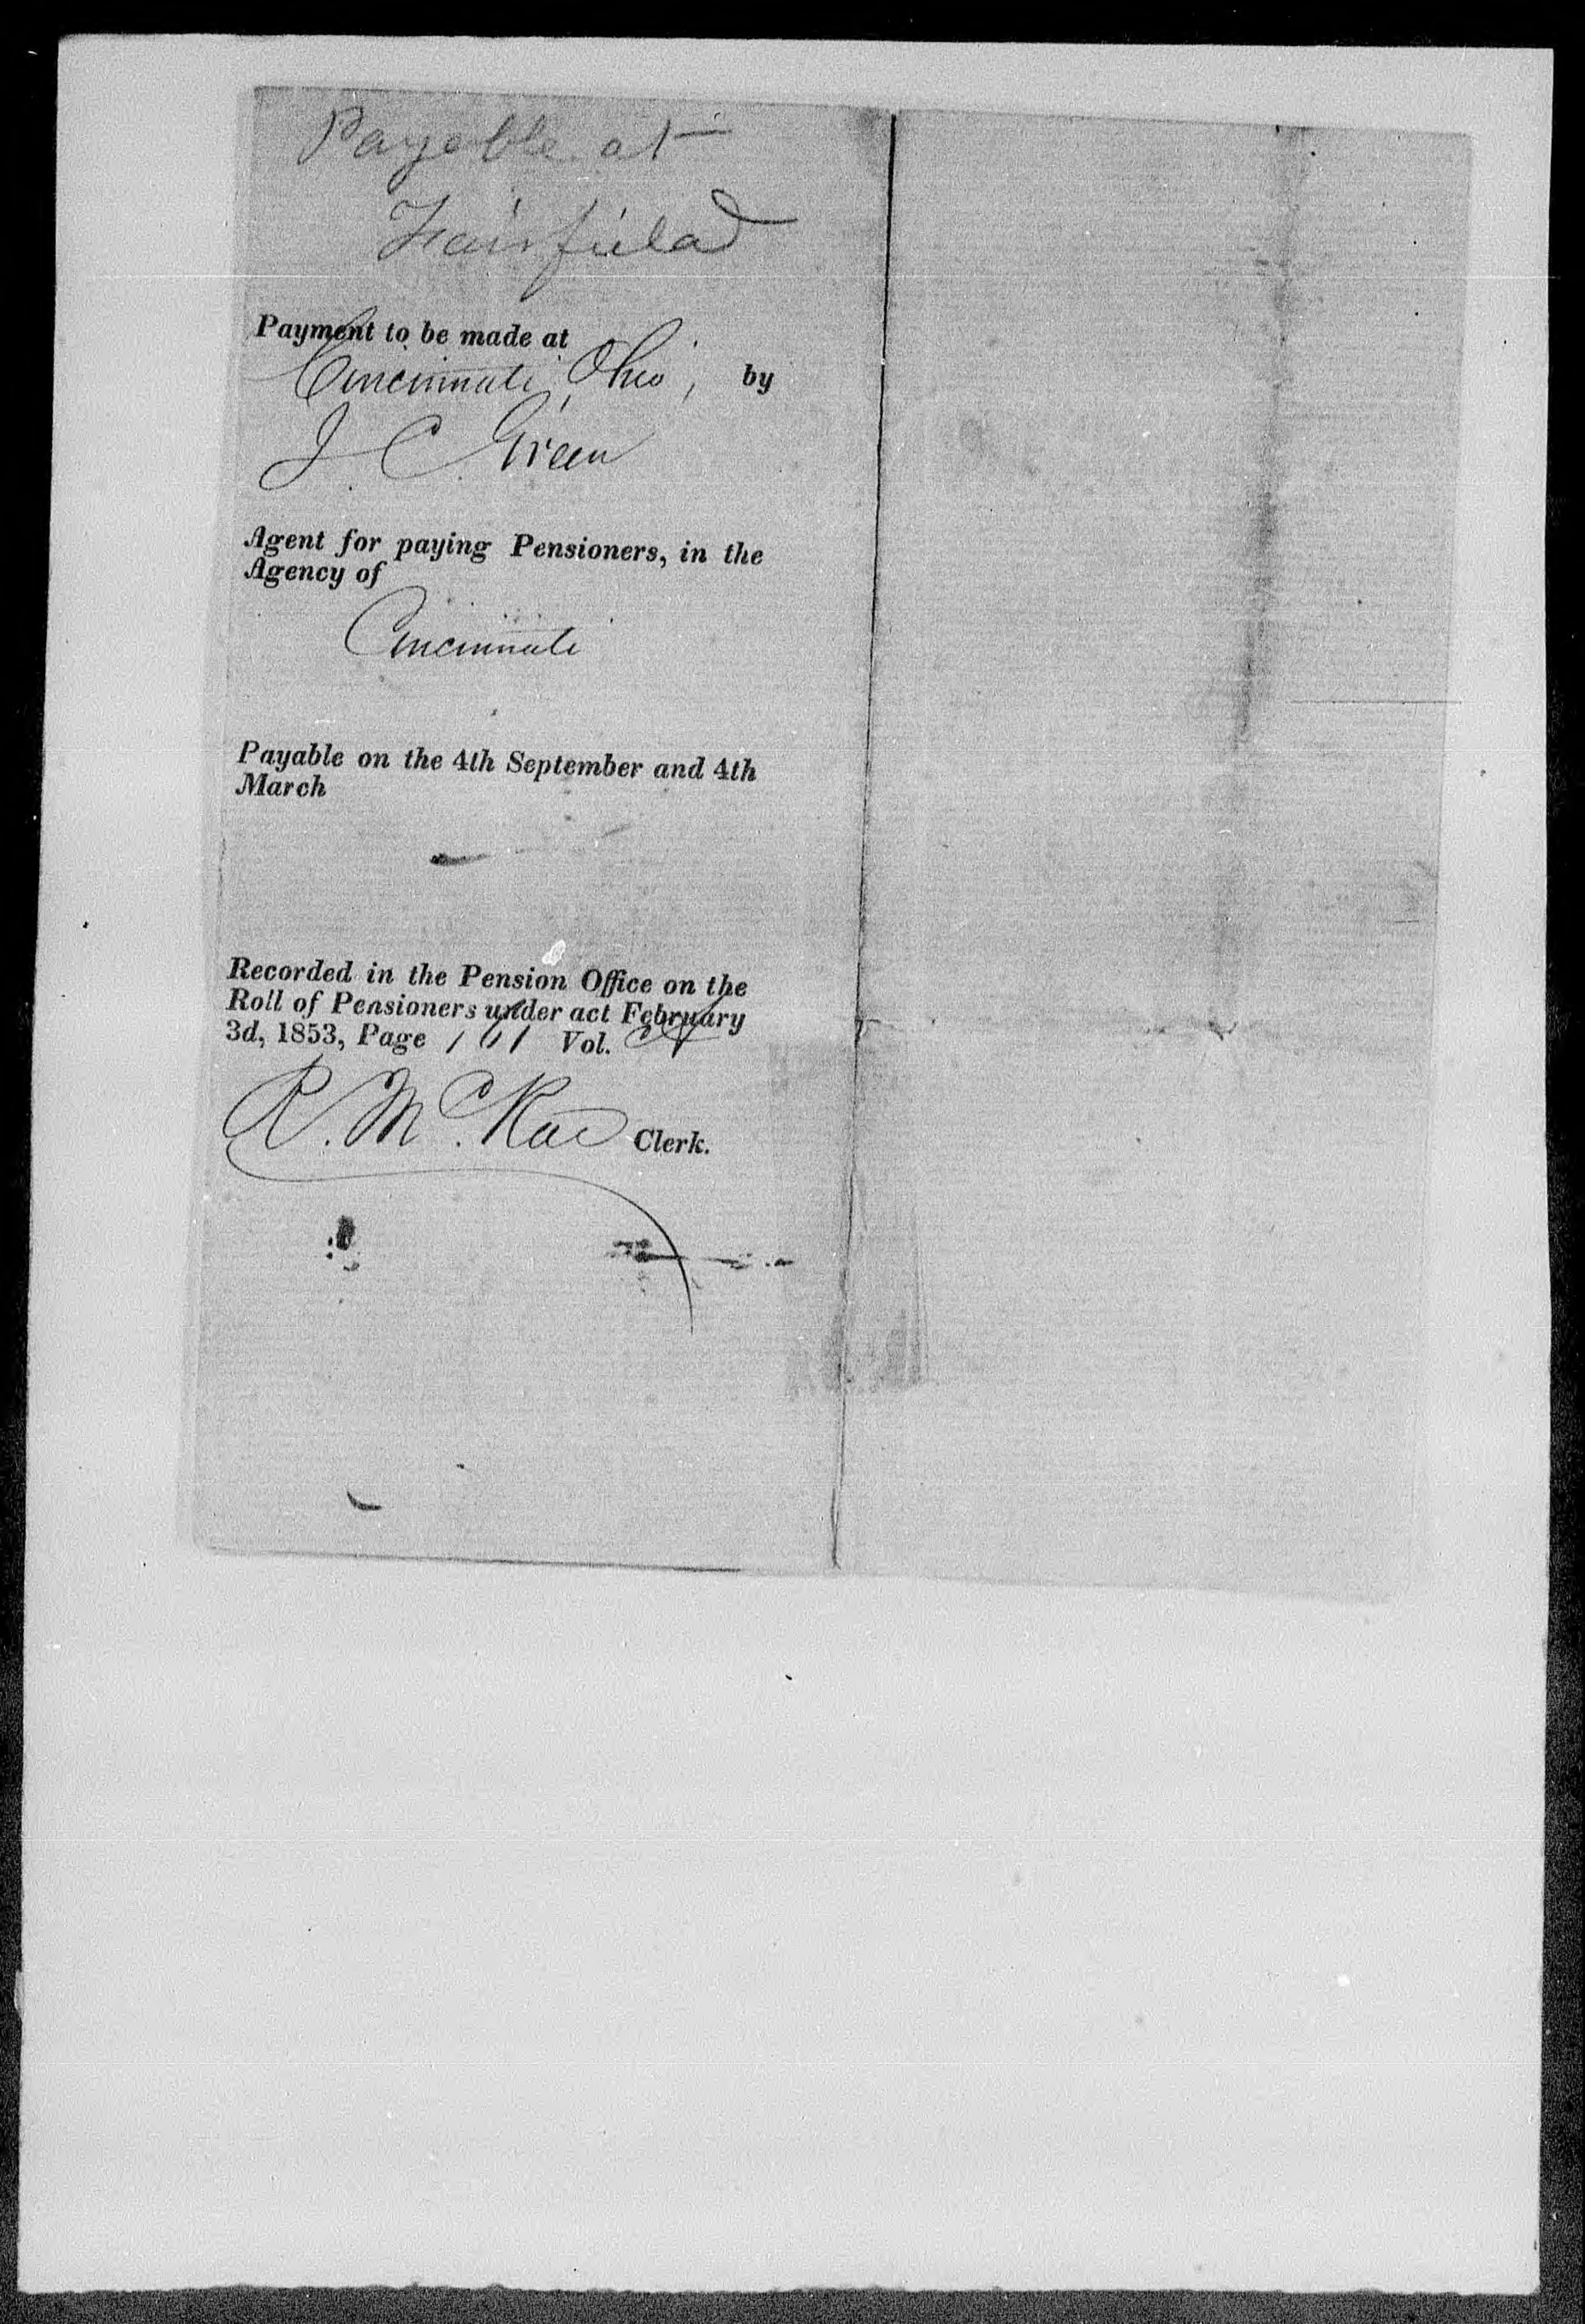Payable at Fairfield

Payment to be made at Cincinnati Ohio by J C Green
Agent for paying Pensioners, in the Agency of Cincinnati

Payable on the 4th September and 4th March

Recorded in the Pension Office on the
Roll of Pensioners under act February
3d, 1853, Page 161 Vol A
R. McKee Clerk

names: R Mc Rae, J C Green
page: 63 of 80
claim: widow's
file: W 2070, John Crawford, Penn.